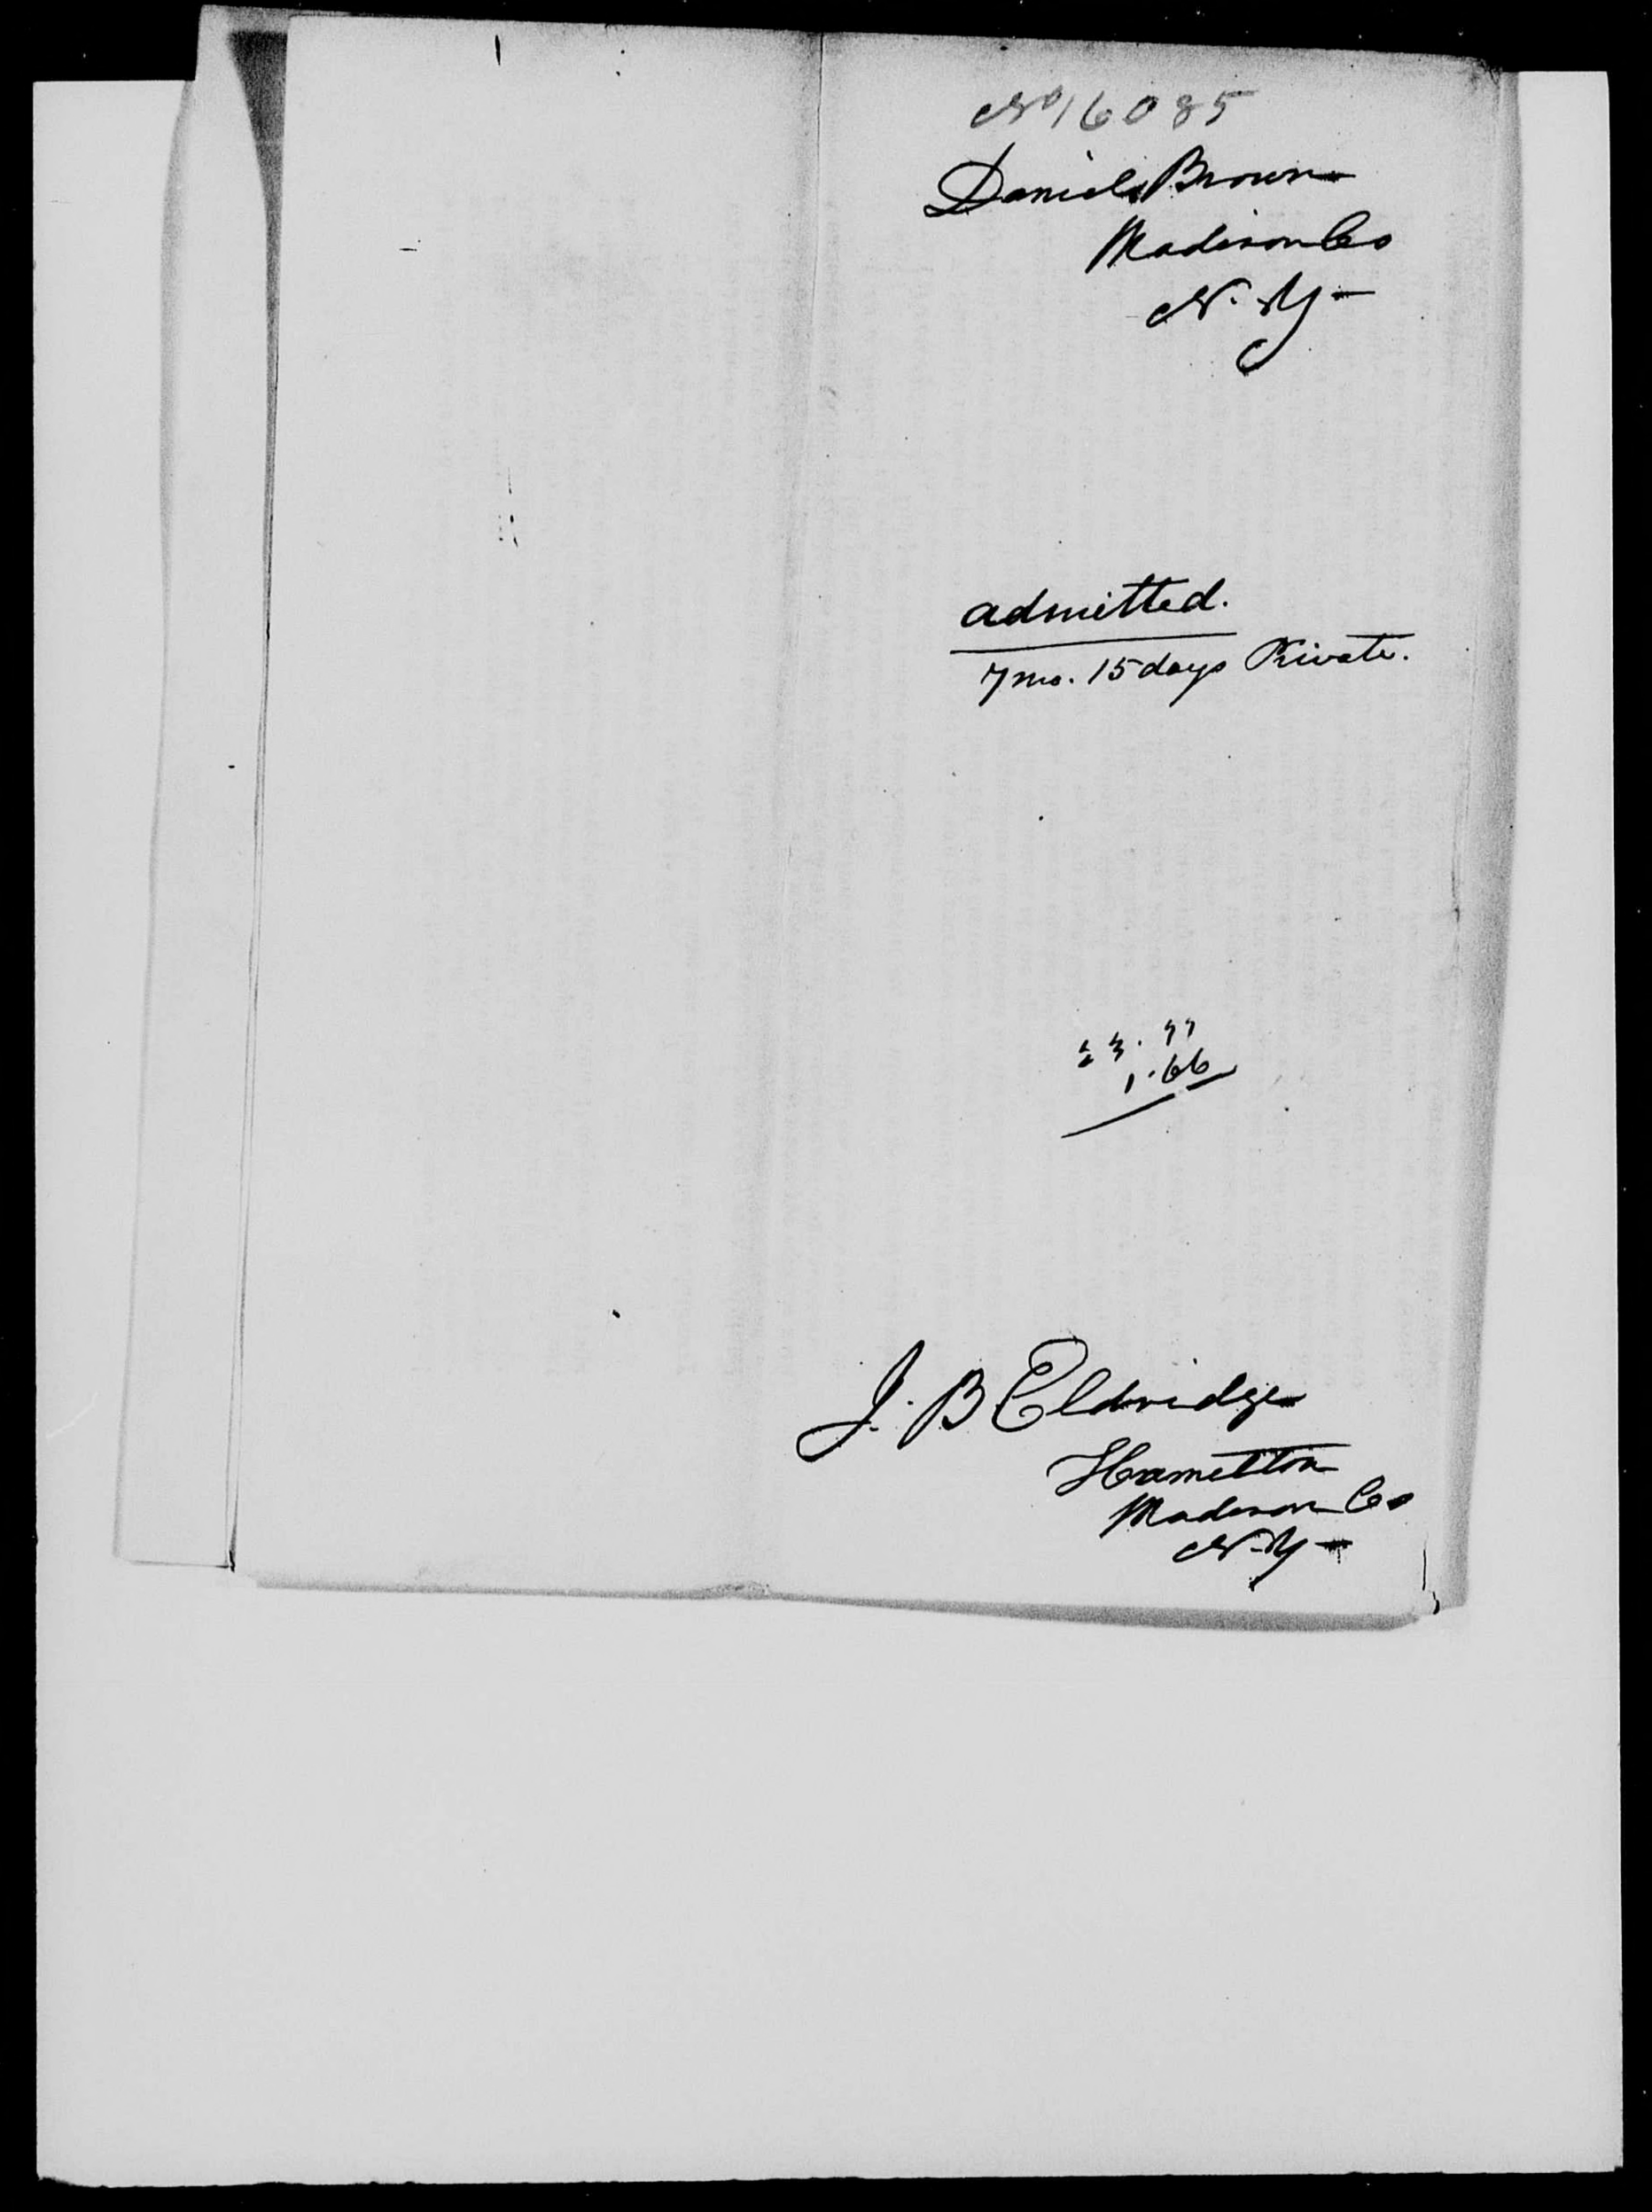No. 16085
Daniel Brown
Madison Co.
N.Y.

admitted
7mo. 15 days Private.

23.99
 1.66
_______

J. B. Eldridge
Hamilton
Madison Co
N.Y.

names: J B Eldridge, Daniel Brown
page: 16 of 37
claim: widow's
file: W. 20,787, Daniel Brown, Conn. Navy.